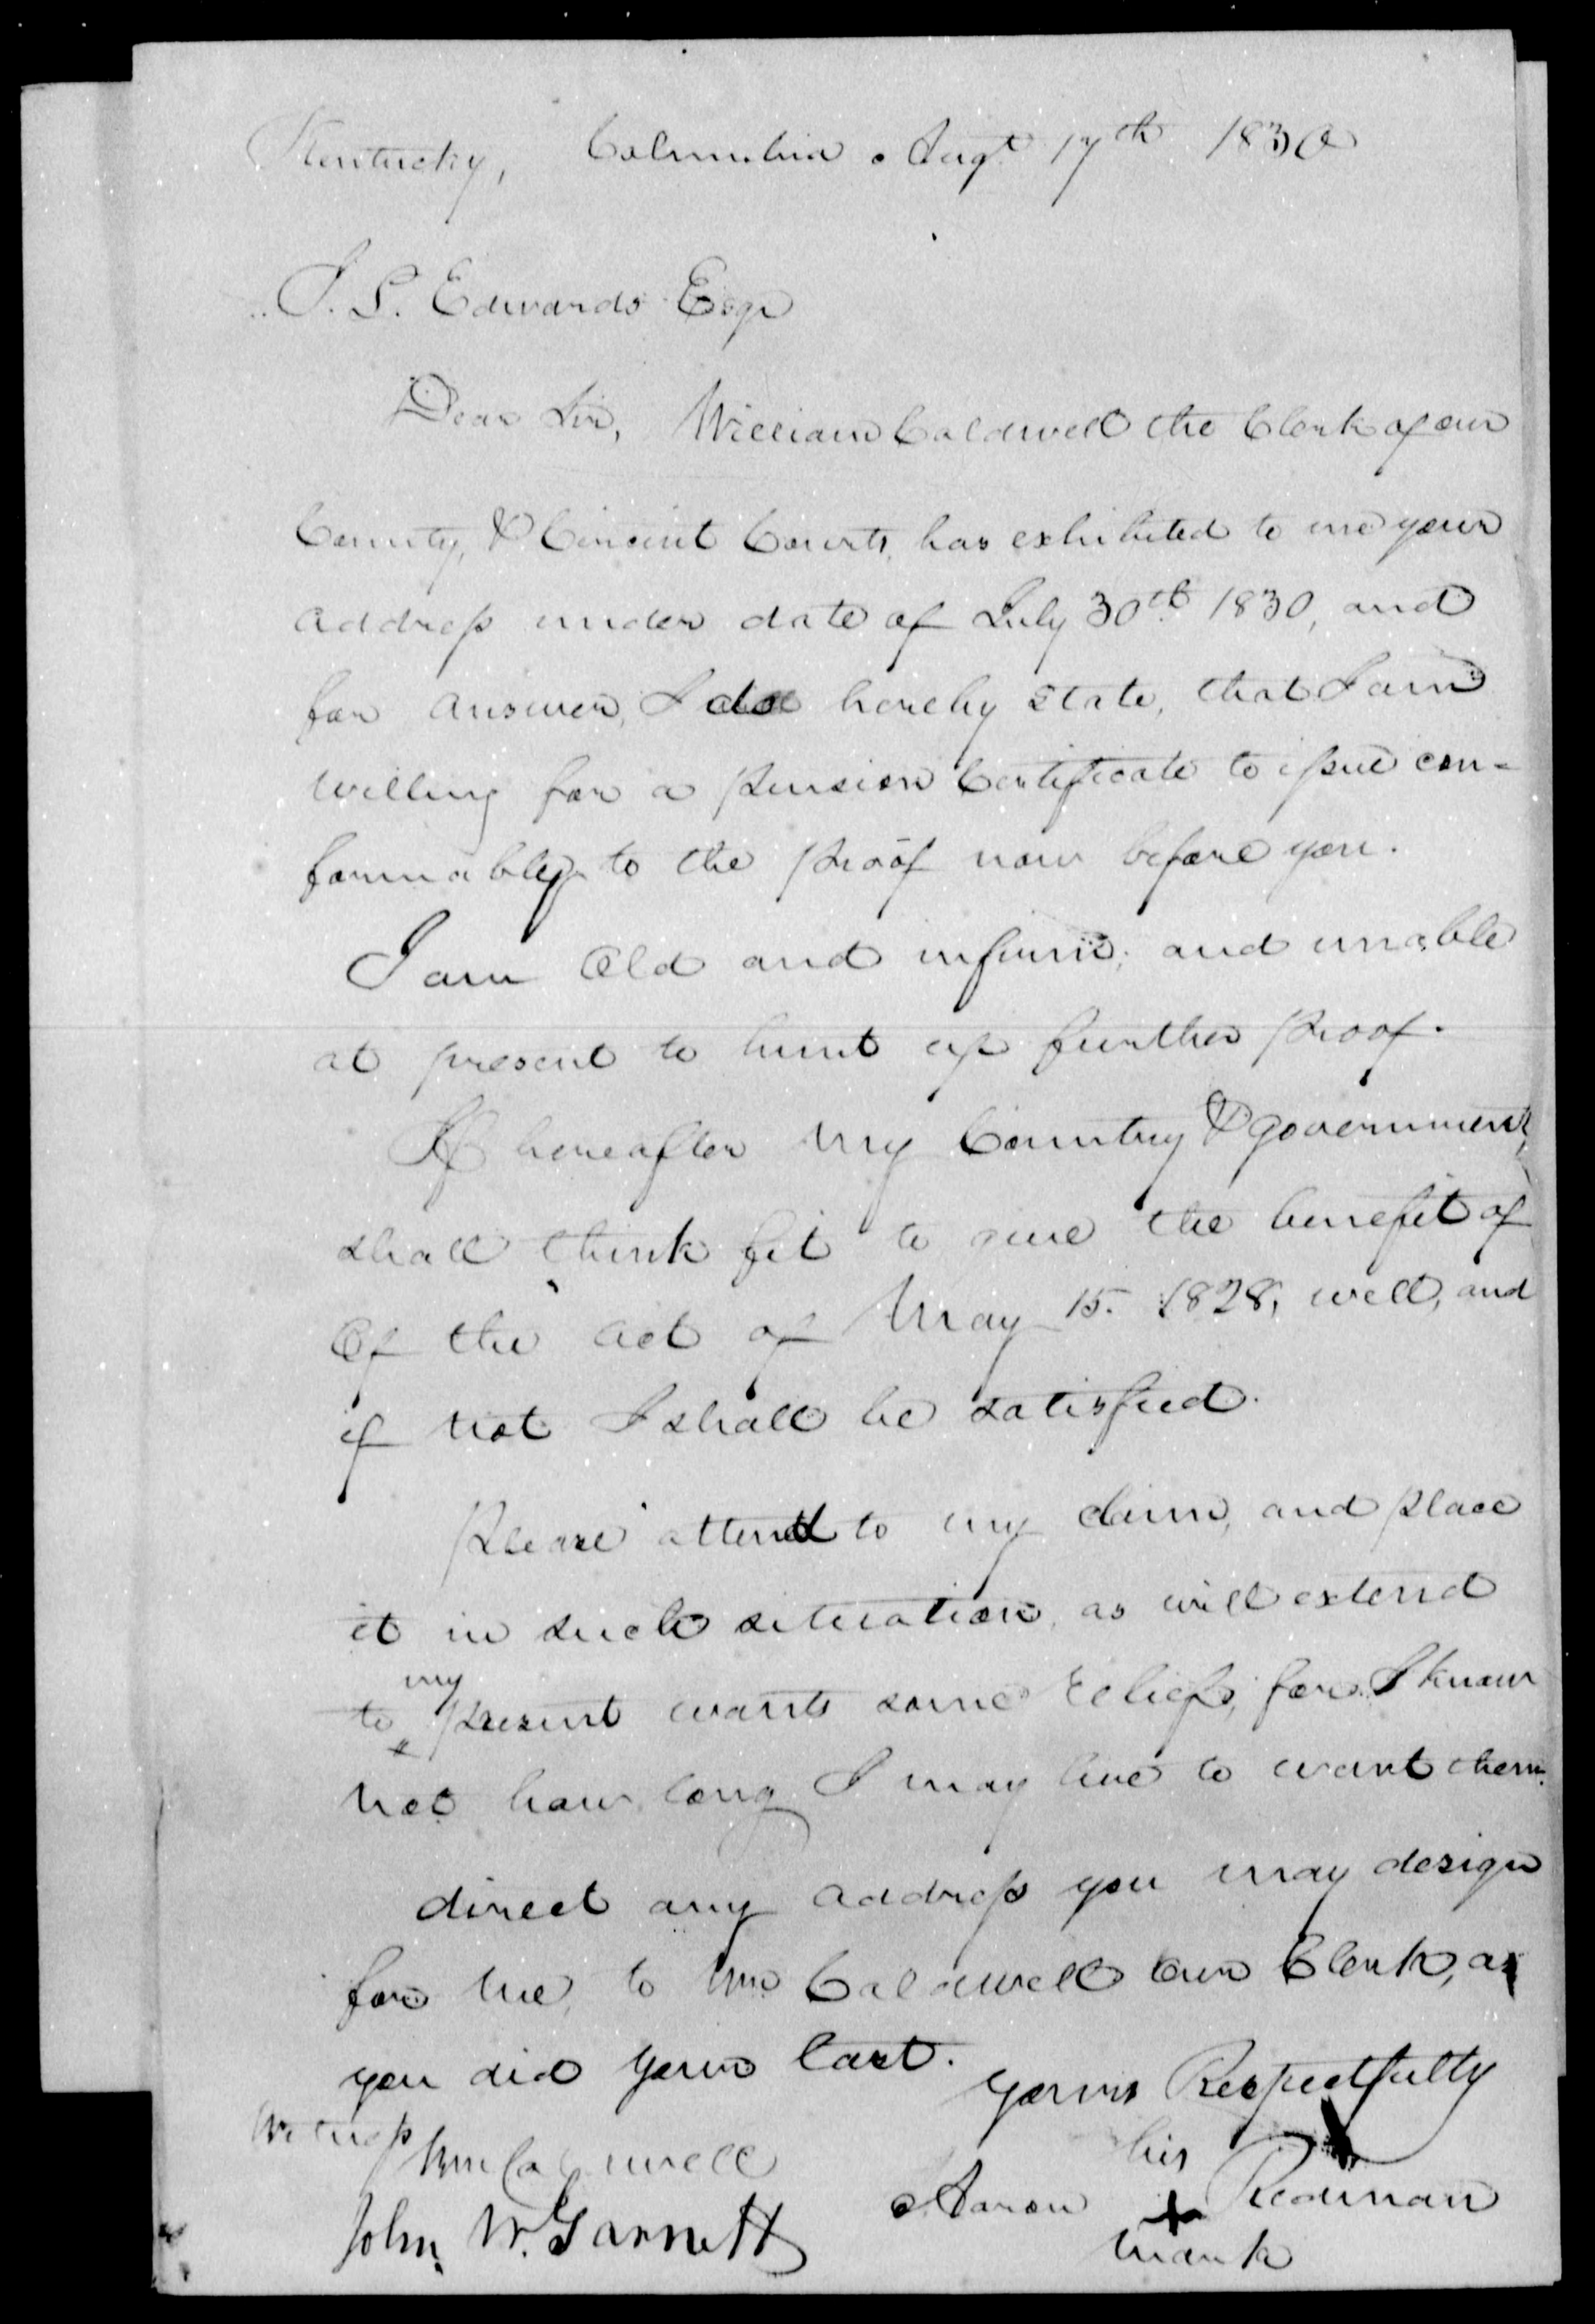Kentucky, Columbia.  Augt 17th 1830

J.L. Edwards Esqr

Dear Sir,  William Caldwell the Clerk of our County, & Circuit Courts has exhibited to me your address under date of July 30th 1830, and for answer I do hereby state, that I am willing for a pension certificate to issue conformably to the proof now before you.
I am old and infirm;  and unable at present to hunt up further proof.
If hereafter my Country & government shall think fit to give the benefit of of the act of May 15. 1828;  well, and if not I shall be satisfied.
Please attend to my claim, and place it in such situation as will extend to my present wants and relief;  for I know not how long I may live to want them.
direct any address you may design for me, to Wm. Caldwell our clerk, as you did your last.
Yours Respectfully
Aaron Redman  x his mark

Witness
Wm Caldwell
John W. Garnett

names: Wm Caldwell; J L Edwards; Aaron Redman; William Caldwell; John W Garrett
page: 36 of 57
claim: widow's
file: W. 9,622, for Aaron Redman, Virginia